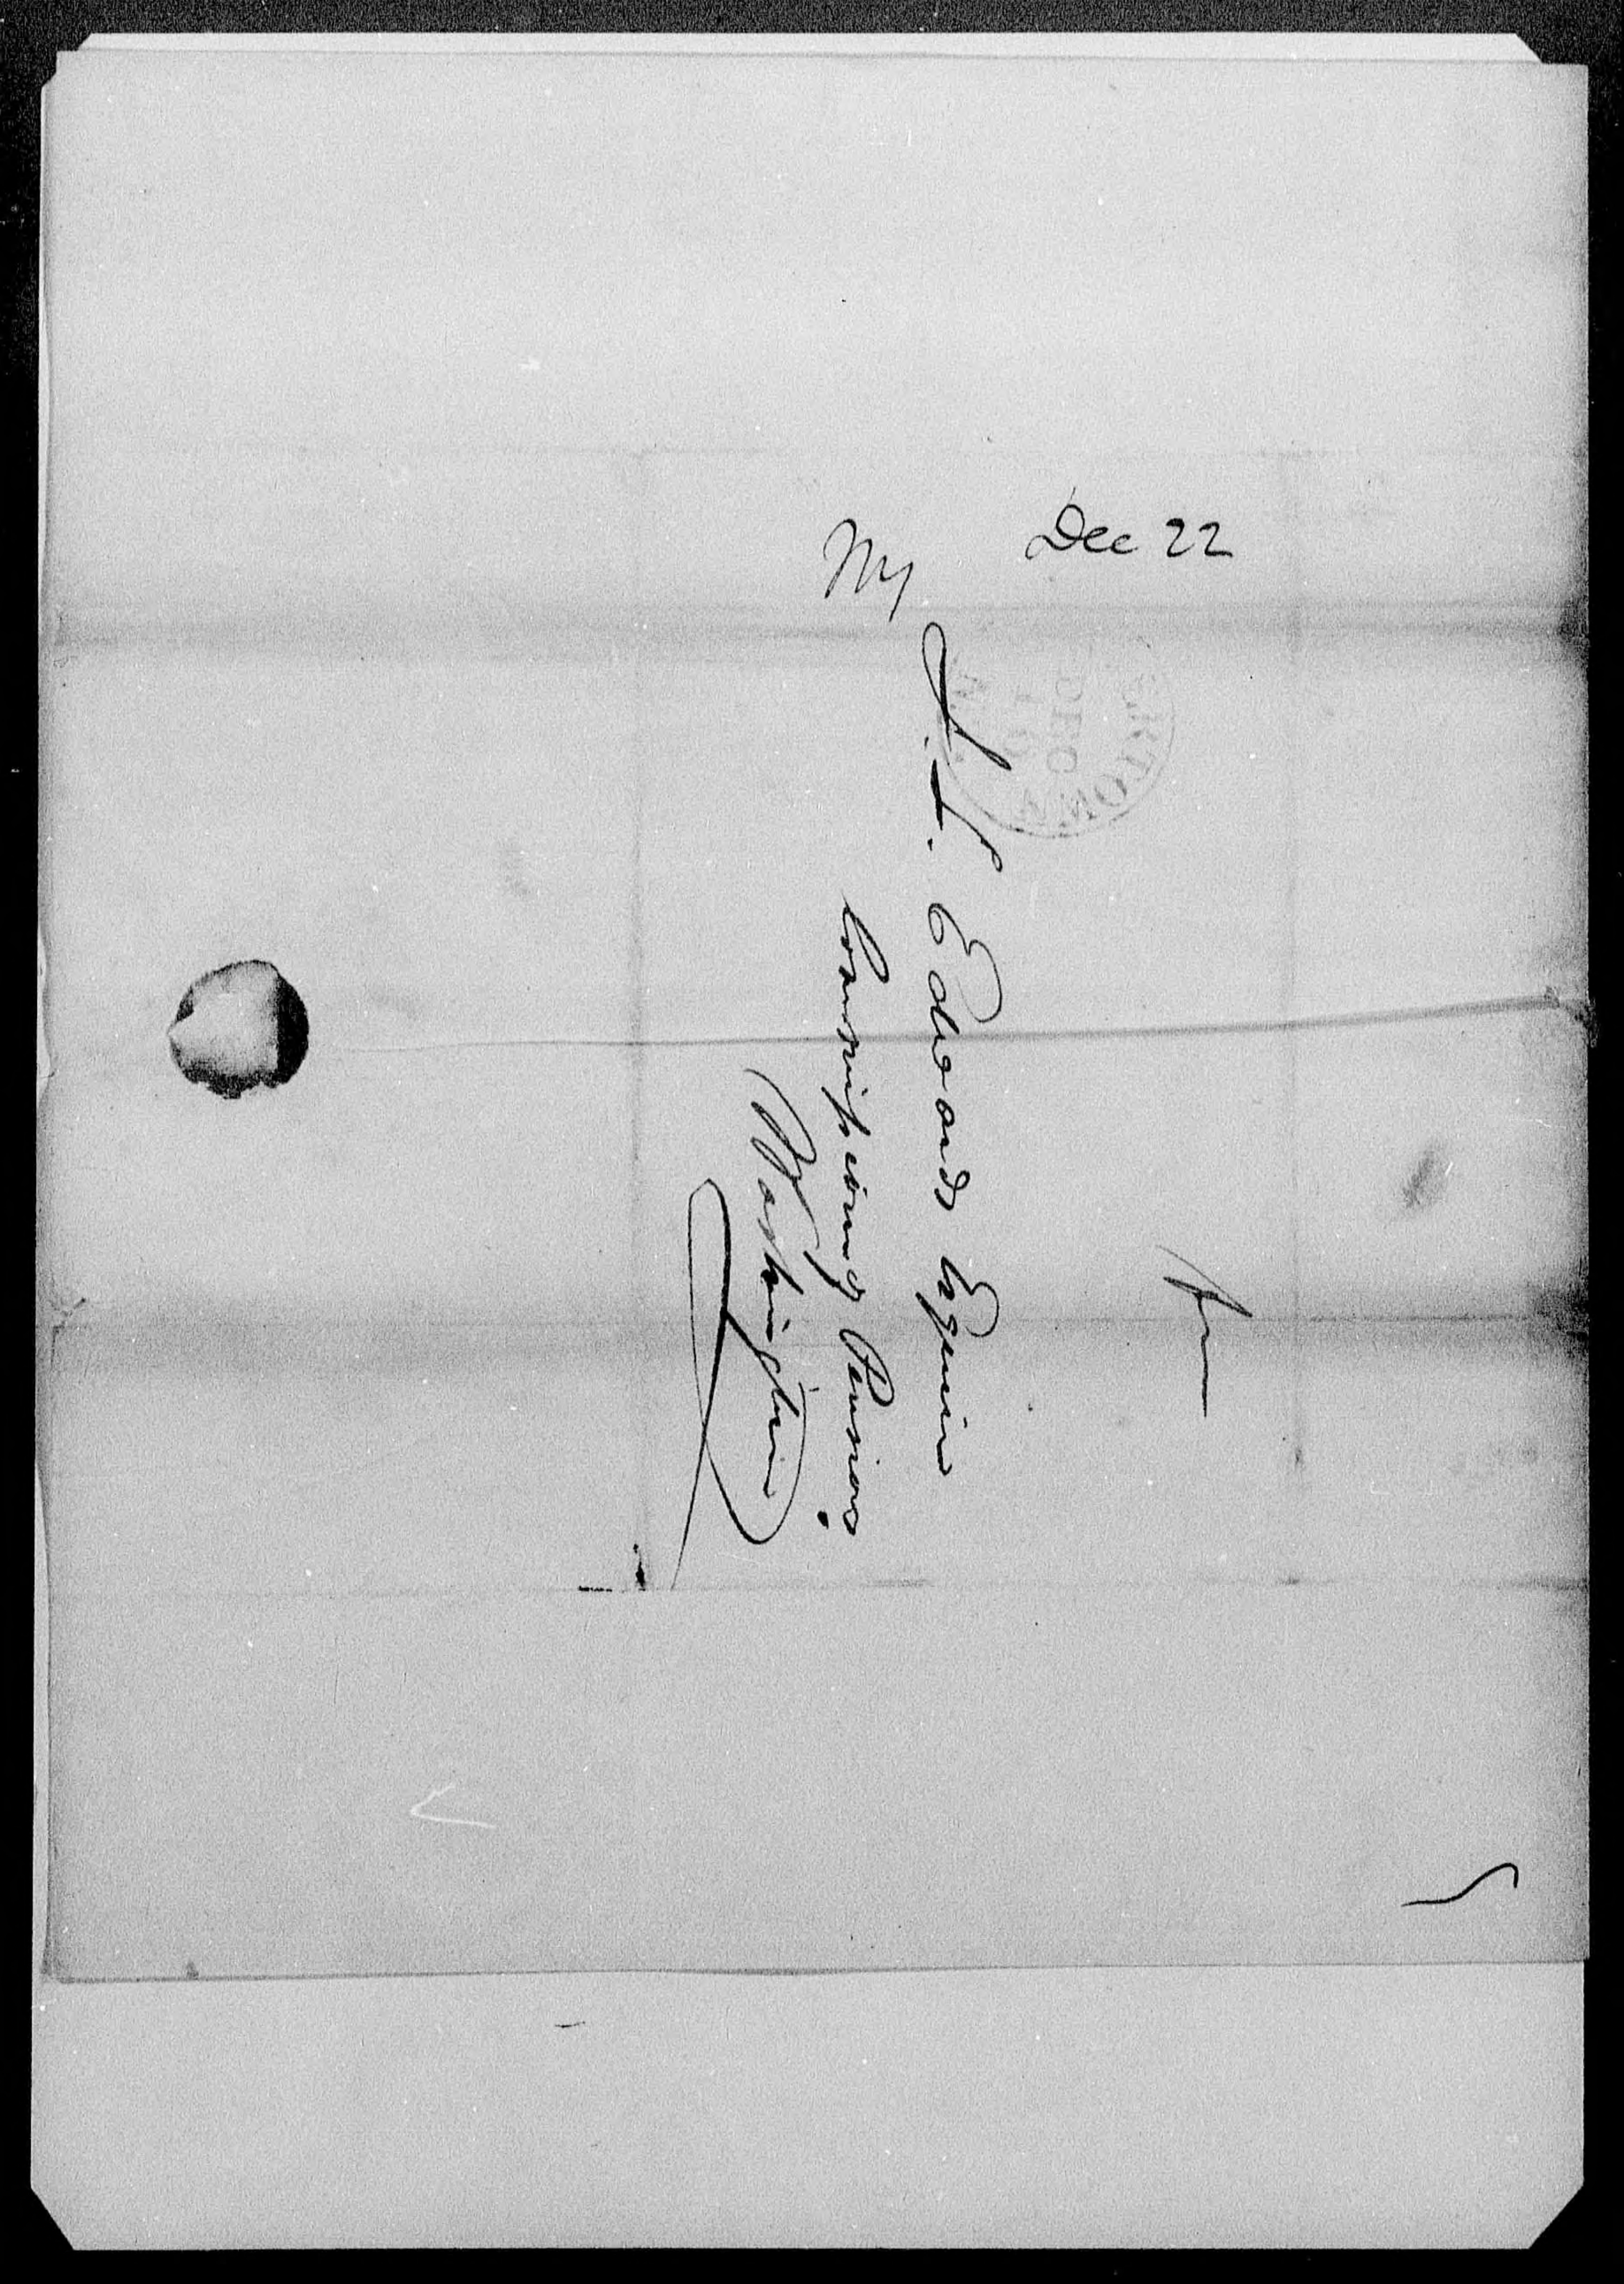NY Dec 22

Crosswise:
[Postmark] Watertown NY DEC 16
free
J.L. Edwards Esquire
Commissioner of Pensions
Washington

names: J L Edwards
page: 30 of 47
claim: widow's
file: W. 10,602, Barce Chard, New York.